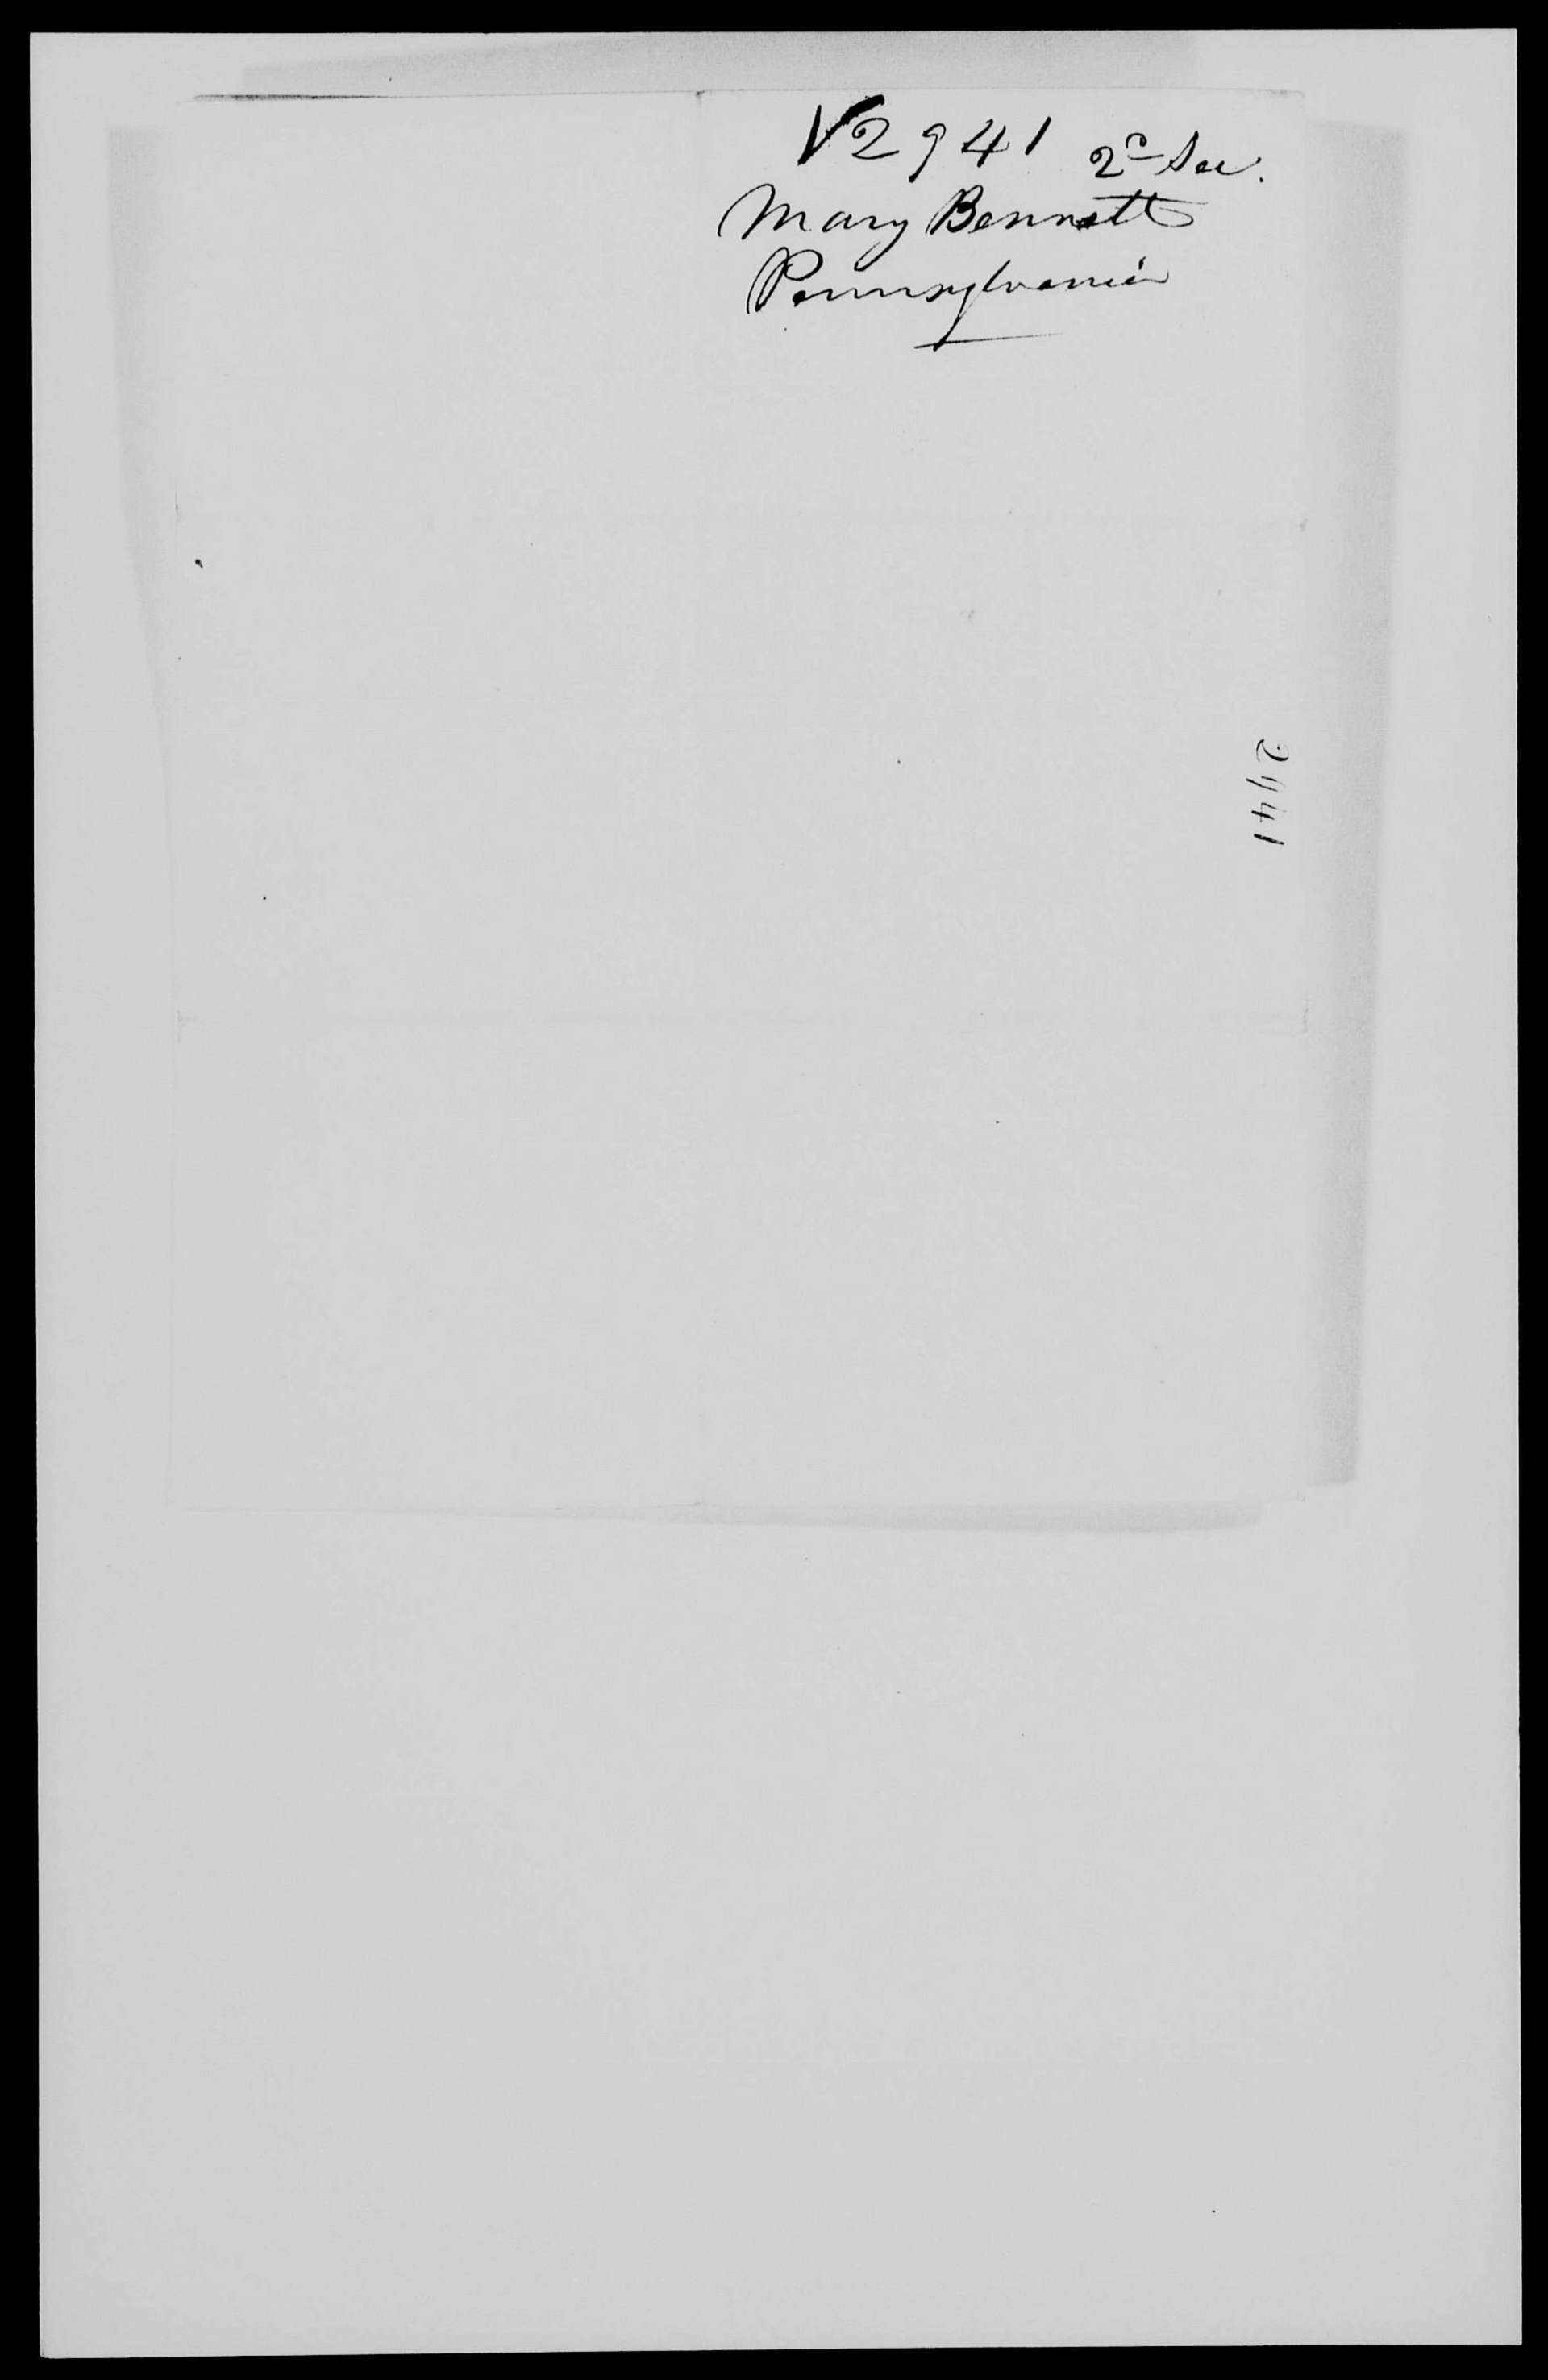V2941 2 [illegible]
Mary Bennett
Pennsylvania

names: Mary Bennett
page: 9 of 79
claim: widow's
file: W. 2,906, Stephen Bennet, Conn.